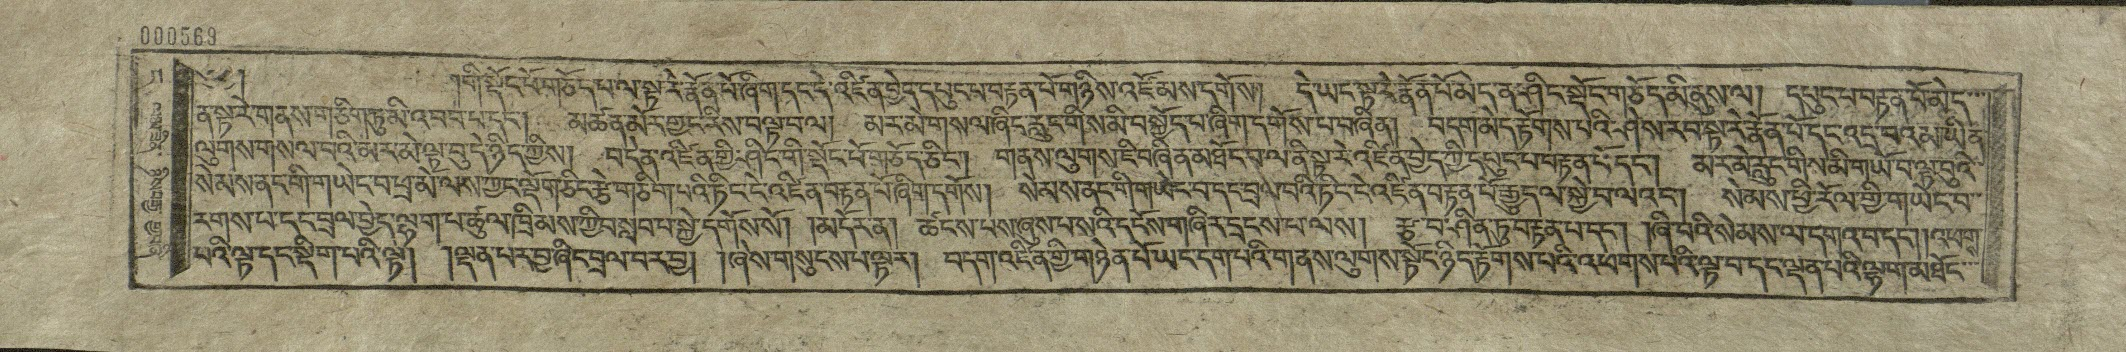༄༅། །གི་སྡོང་པོ་གཅོད་པ་ལ་སྟ་རེ་རྣོན་པོ་ཞིག་དང་དེ་འཛིན་བྱེད་དཔུང་པ་བརྟན་པོ་གཉིས་འཛོམས་དགོས། དེ་ཡང་སྟ་རེ་རྣོན་པོ་མེད་ན་ཤིང་སྡོང་གཅོད་མི་ནུས་ལ། དཔུང་པ་བརྟན་པོ་མེད་
ན་སྟ་རེ་གནས་གཅིག་ཏུ་མི་འབབ་པ་དང་། མཚན་མོར་གྱང་རིས་བལྟ་བ་ལ། མར་མེ་གསལ་ཞིང་རླུང་གིས་མི་བསྐྱོད་པ་ཞིག་དགོས་པ་བཞིན། བདག་མེད་རྟོགས་པའི་ཤེས་རབ་སྟ་རེ་རྣོན་པོ་དང་འདྲ་བའམ་ཡིན་
ལུགས་གསལ་བའི་མར་མེ་ལྟ་བུ་དེ་ཉིད་ཀྱིས། བདེན་འཛིན་གྱི་ཤིང་གི་སྡོང་པོ་གཅོད་ཅིང་། གནས་ལུགས་ཇི་བཞིན་མཐོང་བ་ལ་ནི་སྟ་རེ་འཛིན་བྱེད་ཀྱི་དཔུང་པ་བརྟན་པོ་དང་། མར་མེ་རླུང་གིས་མི་གཡོ་བ་ལྟ་བུའི་
སེམས་ནང་གི་གཡེང་བ་ཕྲ་མོ་ལས་ཀྱང་ལྡོག་ཅིང་རྩེ་གཅིག་པའི་ཏིང་ངེ་འཛིན་བརྟན་པོ་ཞིག་དགོས། སེམས་ནང་གི་གཡེང་བ་དང་བྲལ་བའི་ཏིང་ངེ་འཛིན་བརྟན་པོ་རྒྱུད་ལ་སྐྱེ་བ་ལའང་། སེམས་ཕྱི་རོལ་གྱི་གཡེང་བ་
རགས་པ་དང་བྲལ་བྱེད་ལྷག་པ་ཚུལ་ཁྲིམས་ཀྱི་བསླབ་པ་སྐྱེ་དགོས་སོ། །མདོར་ན། ཚངས་པས་ཞུས་པ་སའི་དངོས་གཞིར་དྲངས་པ་ལས། རྩ་བ་ཤིན་ཏུ་བརྟན་པ་དང་། །ཞི་བའི་སེམས་ལ་དགའ་བ་དང་། །འཕགས་
པའི་ལྟ་དང་སྡིག་པའི་ལྟ། །ལྡན་པར་བྱ་ཞིང་བྲལ་བར་བྱ། །ཞེས་གསུངས་པ་ལྟར། བདག་འཛིན་གྱི་གཉེན་པོ་ཡང་དག་པའི་གནས་ལུགས་སྟོང་ཉིད་རྟོགས་པའི་འཕགས་པའི་ལྟ་བ་དང་ལྡན་པའི་ལྷག་མཐོང་